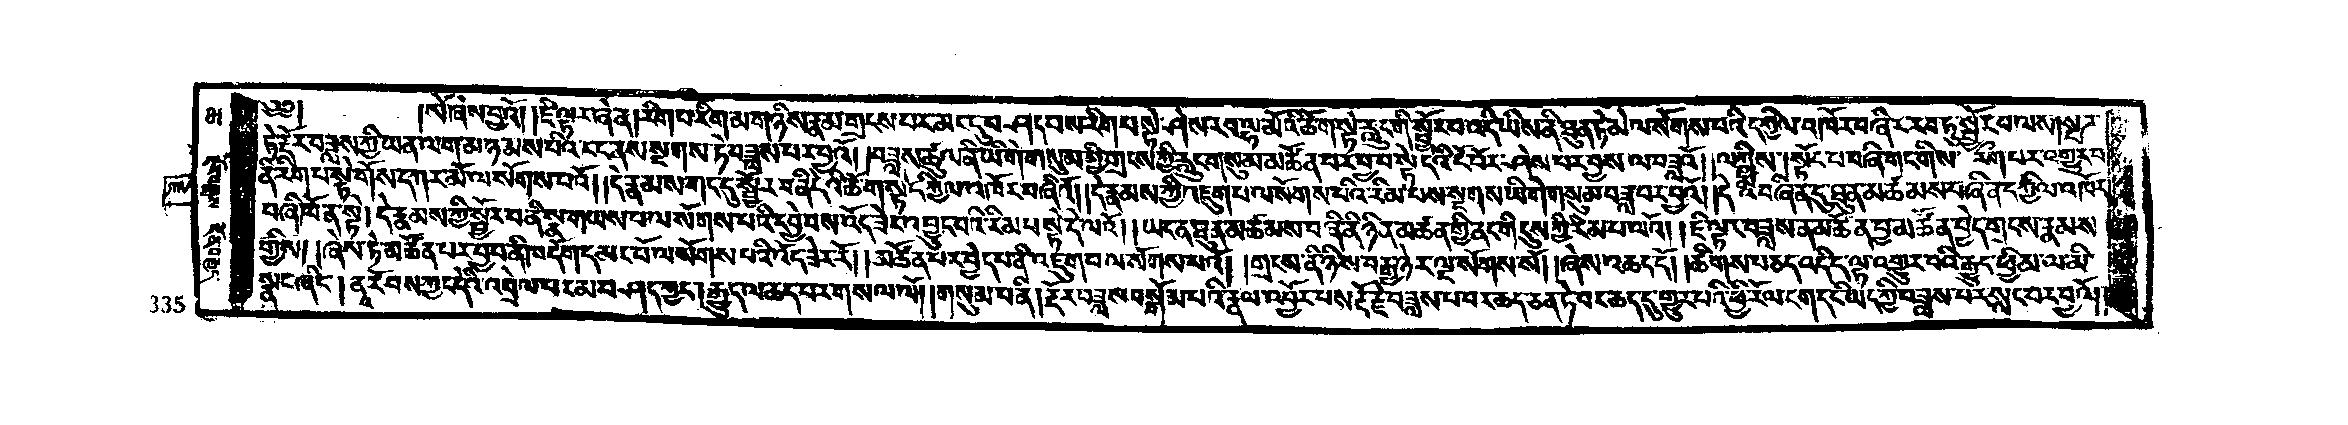༄༅། །སོ་ཞེས་བྱའོ། །ཇི་ལྟར་ཞེ་ན། རིག་པ་རིག་མ་གཉིས་རྣམ་གྲངས་པར་མང་དུ་བཤད་པས་རིག་པ་སྟེ་ཤེས་རབ་ལྷ་མོའི་ཆོ་ག་སྟེ་རླུང་གི་སྦྱོར་བ་འདི་ཡིས་ནི་ཐུན་ཏེ་མེ་ལ་སོགས་པའི་དཀྱིལ་འཁོར་བཞིར་རབ་ཏུ་སྦྱོར་བ་ལས། སྔགས་
ཏེ་རྡོར་བཟླས་ཀྱི་ཡན་ལག་མ་ཉམས་པའི་ངང་ནས་སྔགས་ཏེ་བཟླས་པར་བྱའོ། །བཟླས་ཚུལ་ནི་ཡི་གེ་གསུམ་གྱི་གྲངས་ཀྱི་རླུང་གསུམ་མཚོན་པར་བྱ་བ་སྟེ་དེའི་ངོ་བོར་ཤེས་པར་བྱས་ལ་བཟླའོ། །ལཀྵྨཱིས། སྟོང་པ་བཞི་གང་གིས་རིག་པར་འགྱུར་བ་
ནི་རིག་པ་སྟེ་གོས་དཀར་མོ་ལ་སོགས་པའོ། །དེ་རྣམས་གང་དུ་སྦྱོར་བ་ནི་དེའི་ཆོ་ག་སྟེ་དཀྱིལ་འཁོར་བཞིའོ། །དེ་རྣམས་ཀྱི་འཇུག་པ་ལ་སོགས་པའི་རིམ་པས་སྔགས་ཡི་གེ་གསུམ་བཟླ་བར་བྱའོ། །དེ་བཞིན་དུ་ཐུན་མཚམས་བཞི་ན་དཀྱིལ་འཁོར་
བཞི་ཁོ་ན་སྟེ། དེ་རྣམས་ཀྱི་སྦྱོར་བ་ནི་སྣ་གཡས་པ་ལ་སོགས་པའི་དབྱེ་བས་འོད་ཟེར་འབྱུང་བའི་རིམ་པ་སྟེ་དེ་ལའོ། །ཡང་ན་ཐུན་མཚམས་བཞི་ནི་ཉིན་མཚན་གྱི་ནང་གི་དུས་ཀྱི་རིམ་པ་ལའོ། །ཇི་ལྟར་བཟླས་ན་མཚོན་བྱ་མཚོན་བྱེད་གྲངས་རྣམས་
གྱིས། །ཞེས་ཏེ་མཚོན་པར་བྱ་བ་ནི་ཁ་དོག་དམར་པོ་ལ་སོགས་པའི་འོད་ཟེར་རོ། །མཚོན་པར་བྱེད་པ་ནི་འཇུག་པ་ལ་སོགས་པའོ། །གྲངས་ནི་ཉིས་བརྒྱ་ཉེར་ལྔ་སོགས་སོ། །ཞེས་འཆད་དོ། །ཚིགས་བཅད་འདི་ད་ལྟ་འགྱུར་བའི་རྒྱུད་ཕྱི་མ་ལ་མི་
སྣང་ཞིང་། ནཱ་རོ་པས་ཀྱང་དེའི་འགྲེལ་པར་མ་བཤད་ཀྱང་། རྒྱུད་ལ་ཆད་པར་གསལ་ལོ། །གསུམ་པ་ནི། རྡོར་བཟླས་བསྒོམ་པའི་རྣལ་འབྱོར་པས་རྡོ་རྗེ་བཟླས་པ་བར་ཆད་ཅན་ཏེ་བར་ཆད་དུ་གྱུར་པའི་ཕྱི་རོལ་ངག་དང་ཡིད་ཀྱི་བཟླས་པར་སྤང་བར་བྱའོ།།